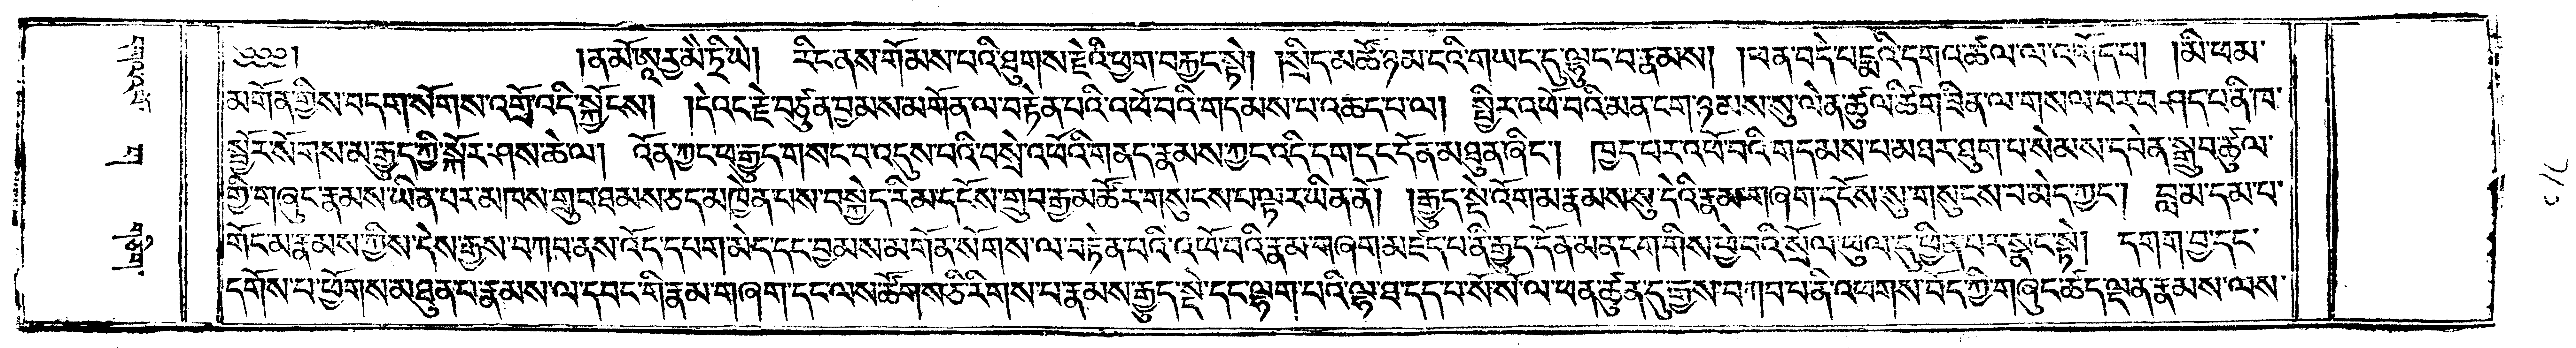༄༅༅། །ན་མོ་ཨཱརྱ་མཻ་ཏྲི་ཡི། རིང་ནས་གོམས་པའི་ཐུགས་རྗེའི་ཕྱག་བརྐྱང་སྟེ། །སྲིད་མཆོ་ཉམ་ངའི་གཡང་དུ་ལྷུང་བ་རྣམས། །ཕན་བདེ་པདམའི་དགའ་ཚལ་ལ་འགོད་པ། །མི་ཕམ་
མགོན་གྱིས་བདག་སོགས་འགྲོ་འདི་སྐྱོངས། །དེའང་རྗེ་བཙུན་བྱམས་མགོན་ལ་བརྟེན་པའི་འཕོ་བའི་གདམས་པ་འཆད་པ་ལ། སྤྱིར་འཕོ་བའི་མན་ངག་ཉམས་སུ་ལེན་ཚུལ་ཚིག་ཟིན་ལ་གསལ་བར་བཤད་པ་ནི་ཁ་
སྦྱོར་སོགས་མ་རྒྱུད་ཀྱི་སྐོར་ཤས་ཆེ་ལ། འོན་ཀྱང་ཕ་རྒྱུད་གསང་བ་འདུས་པའི་བསྲེ་འཕོའི་གནད་རྣམས་ཀྱང་འདི་དག་དང་དོན་མཐུན་ཞིང་། ཁྱད་པར་འཕོ་བའི་གདམས་པ་མཐར་ཐུག་པ་སེམས་དབེན་སྒྲུབ་ཚུལ་
གྱི་གཞུང་རྣམས་ཡིན་པར་མཁས་གྲུབ་ཐམས་ཅད་མཁྱེན་པས་བསྐྱེད་རིམ་དངོས་གྲུབ་རྒྱ་མཚོར་གསུངས་པ་ལྟར་ཡིན་ནོ། །རྒྱུད་སྡེ་འོག་མ་རྣམས་སུ་དེའི་རྣམ་གཞག་དངོས་སུ་གསུངས་པ་མེད་ཀྱང་། བླ་མ་དམ་པ་
གོང་མ་རྣམས་ཀྱིས་དེས་རྒྱས་བཀབ་ནས་འོད་དཔག་མེད་དང་བྱམས་མགོན་སོགས་ལ་བརྟེན་པའི་འཕོ་བའི་རྣམ་གཞག་མཛད་པ་ནི་རྒྱུད་དོན་མན་ངག་གིས་ཕྱེ་བའི་སྲོལ་ཕུལ་དུ་ཕྱིན་པར་སྣང་སྟེ། དགག་བྱ་དང་
དགོས་པ་ཕྱོགས་མཐུན་པ་རྣམས་ལ་དབང་གི་རྣམ་གཞག་དང་ལས་ཚོགས་ཅི་རིགས་པ་རྣམས་རྒྱུད་སྡེ་དང་ལྷག་པའི་ལྷ་ཐ་དད་པ་སོ་སོ་ལ་ཕན་ཚུན་དུ་རྒྱས་བཀབ་པ་ནི་འཕགས་བོད་ཀྱི་གཞུང་ཚད་ལྡན་རྣམས་ལས་